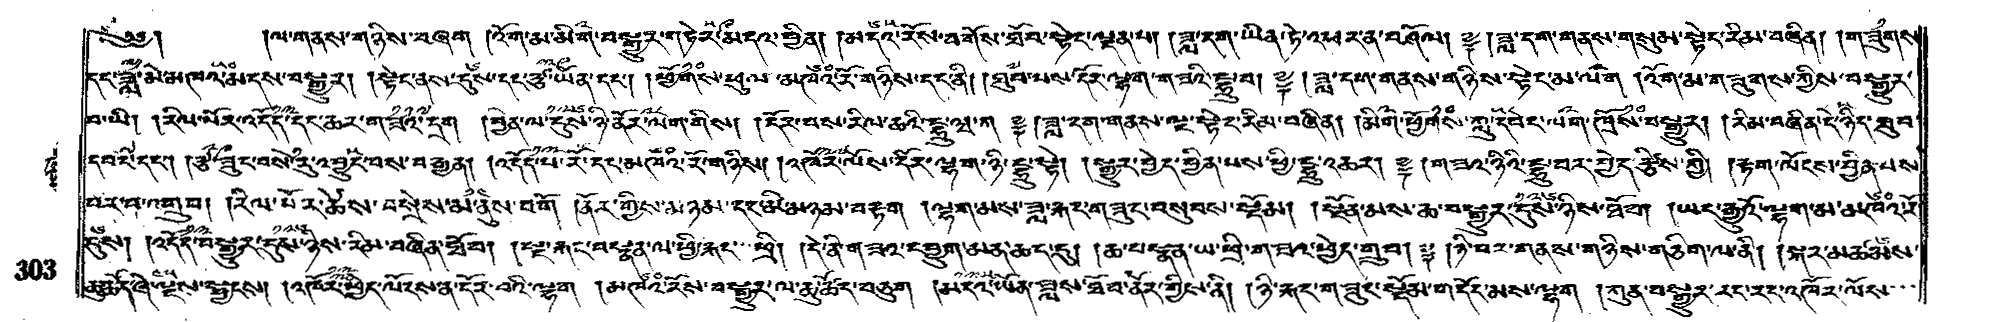༄༅། །ལ་གནས་གཉིས་བཞག །འོག་མ་མིག་བསྒྱུར་གཏེར་མདའ་བྱིན། །མདའ་རོས་བགོས་ཐོབ་སྟེང་ལྡན་པ། །ཟླ་དག་ཡིན་ཏེ་འཕར་ན་བཤོལ། ༈ །ཟླ་དག་གནས་གསུམ་སྟེང་རིམ་བཞིན། །གཟུགས་
དང་ཟླ་མེ་མཁའ་མདས་བསྒྱུར། །སྟེང་ནས་དུས་དང་རྩ་ཡོན་དང་། །ཕྱོགས་ཕུལ་མཁའ་རོ་གཉིས་དང་ནི། །ཐུབ་པས་དོར་ལྷག་གཟའི་དྷྲུ་བ། ༈ །ཟླ་དག་གནས་གཉིས་སྟེང་མ་ལག །འོག་མ་གཟུགས་ཀྱིས་བསྒྱུར་
བ་ཡི། །རིལ་པོར་འདོད་དང་ཆར་གཟའ་དྲག །བྱིན་ལ་དུས་ཉི་ནོར་ལག་གིས། །དོར་བས་རིལ་ཆའི་དྷྲུ་ཝ་ཀ ༈ །ཟླ་དག་གནས་ལྔ་སྟེང་རིམ་བཞིན། །མིག་ཕྱོགས་ཀླུ་དབང་ལག་ཁྲོས་བསྒྱུར། །རིམ་བཞིན་དེ་ཉིད་ཐུབ་
དབང་དང་། །རྩ་ཟུང་བསེ་རུ་འབྱུང་བས་བརྒྱན། །འདོད་པ་རོ་དང་མཁའ་རོ་གཉིས། །འཁོར་ལོས་དོར་ལྷག་ཉི་དྷྲུ་སྟེ། །སྒྱུར་བྱེད་བྱིན་པས་ཕྱི་དྷྲུ་འཆར། ༈ །གཟའ་ཉིའི་དྷྲུ་བར་བྱེད་རྩིས་ཀྱི། །རྟག་ལོངས་བྱིན་པས་
བར་བ་འགྲུབ། །རིལ་བོར་ཚེས་བསྲེས་མ་ནུས་བགོ །ནོར་གྱིས་མཉམ་དང་མི་མཉམ་བརྟག །ལྷག་མས་ཟླ་རྐང་གཟུང་བསུབས་སྡོམ། །སྔོན་མས་ཆ་བསྒྱུར་དུས་ཉིས་ཐོབ། །ཡང་རྒྱུའོ་ལྷག་མ་མཁའ་རོ་
དུས། །འདོད་བསྒྱུར་དུས་ཉིས་རིམ་བཞིན་ཐོབ། །སྔ་རྐང་བསྣན་ལ་ཕྱི་རྐང་ཕྲི། །དེ་ནི་གཟའ་དབྱུག་མན་ཆད་དུ། །ཆ་བསྣན་ཡ་ཕྲི་གཟའ་ཕྱེད་གྲུབ། ༈ །ཉི་བར་གནས་གཉིས་གཅིག་ལ་ནི། །སྐར་མཚམས་
ཆུ་ཚོད་ཞེ་ལྔས་སྦྱངས། །འཁོར་ཕྱེད་ལོངས་ན་དོར་བའི་ལྷག །མཁའ་རོས་བསྒྱུར་ལ་ཆུ་ཚོད་བཅུག །མདའ་ཡོན་ཟླས་ཐོབ་ནོར་གྱིས་ནི། །ཉི་རྐང་གཟུང་སྡོམ་གདོང་མས་ལྷག །ཀུན་བསྒྱུར་རང་རང་འཁོར་ལོས་